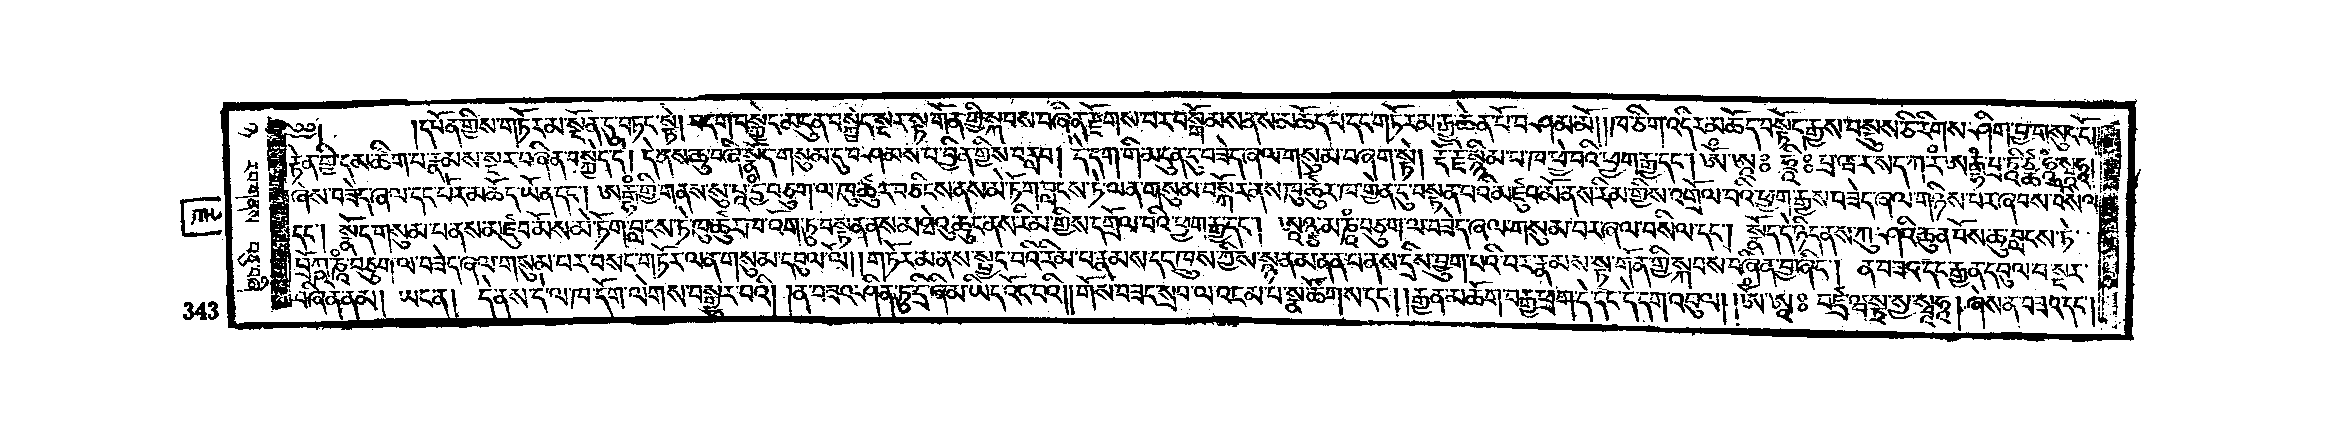༄༅། །དཔོན་གྱིས་གཏོར་མ་སྔོན་དུ་བཏང་སྟེ། བདག་བསྐྱེད་མདུན་བསྐྱེད་སྔར་སྟ་གོན་གྱི་སྐབས་བཞིན་རྫོགས་པར་བསྒོམས་ནས་མཆོད་པ་དང་གཏོར་མ་རྒྱ་ཆེན་པོ་བཤམ་མོ། །ཁ་ཅིག་འདིར་མཆོད་བསྟོད་རྒྱས་བསྡུས་ཅི་རིགས་ཤིག་བྱ་གསུང་ངོ། །
རྟེན་གྱི་དམ་ཚིག་པ་རྣམས་སྔར་བཞིན་བསྐྱེད་དེ། དེ་ནས་ཆུ་བཞི་སྣོད་གསུམ་དུ་བཤམས་པ་བྱིན་གྱིས་བརླབ། དེ་དག་གི་མདུན་དུ་བཟེད་ཞལ་གསུམ་བཞག་སྟེ། རྡོ་རྗེ་སྙིམ་པ་ཁ་ཕྱེ་བའི་ཕྱག་རྒྱ་དང་། ཨོཾ་ཨཱཿ ཧྲཱིཿ པྲ་ཝ་ར་སད་ཀ་རཾ་ཨརགྷཾ་པྲ་ཏཱི་ཙྪ་ཧཱུཾ་སྭཱཧཱ།
ཞེས་བཟེད་ཞལ་དང་པོར་མཆོད་ཡོན་དང་། ཨརགྷཾ་གྱི་གནས་སུ་པཱ་དཡཾ་བཅུག་ལ་ཁུ་ཚུར་བཅིངས་ནས་མེ་ཏོག་བླངས་ཏེ་ལན་གསུམ་བསྐོར་ནས་ཁུ་ཚུར་ཁ་གྱེན་དུ་བསྟན་པའི་མཛུབ་མོ་ནས་རིམ་གྱིས་འགྲོལ་བའི་ཕྱག་རྒྱས་བཟེད་ཞལ་གཉིས་པར་ཞབས་བསིལ་
དང་། སྣོད་གསུམ་པ་ནས་མཛུབ་མོས་མེ་ཏོག་བླངས་ཏེ་ཁུ་ཚུར་ཁ་འོག་ཏུ་བསྟན་ནས་མཐེའུ་ཆུང་ནས་རིམ་གྱིས་དགྲོལ་བའི་ཕྱག་རྒྱ་དང་། ཨཱཉྩ་མ་ཎའཾ་བཅུག་ལ་བཟེད་ཞལ་གསུམ་བར་ཞལ་བསིལ་དང་། སྣོད་དེ་ཉིད་ནས་ཀུ་ཤའི་ཆུན་པོས་ཆུ་བླངས་ཏེ་
བྲོཀྵ་ཎའཾ་བཅུག་ལ་བཟེད་ཞལ་གསུམ་པར་བསང་གཏོར་ལན་གསུམ་དབུལ་ལོ། །གཏོར་མ་ནས་སྤྱད་བའི་རིམ་པ་རྣམས་དང་ཁྲུས་ཀྱིས་སྙན་མ་ནན་པ་ནས་དྲིས་བྱུག་པའི་བར་རྣམས་སྟ་གོན་གྱི་སྐབས་བཞིན་བྱ་ཞིང་། ན་བཟའ་དང་རྒྱན་དབུལ་བ་སྔར་
བཞིན་ནམ། ཡང་ན། དེ་ནས་དེ་ལ་ཁ་དོག་ལེགས་བསྒྱུར་བའི། །ན་བཟའ་ཤིན་ཏུ་དྲི་ཞིམ་ཡིད་འོང་བའི། །གོས་བཟང་སྲབ་ལ་འཇམ་པ་སྣ་ཚོགས་དང་། །རྒྱན་མཆོག་བརྒྱ་ཕྲག་དེ་དང་དེ་དག་འབུལ། །ཨོཾ་ཨཱཿ བཛྲ་ཝསྟྲ་སྱ་སྭཱཧཱ། ཞེས་ན་བཟའ་དང་།